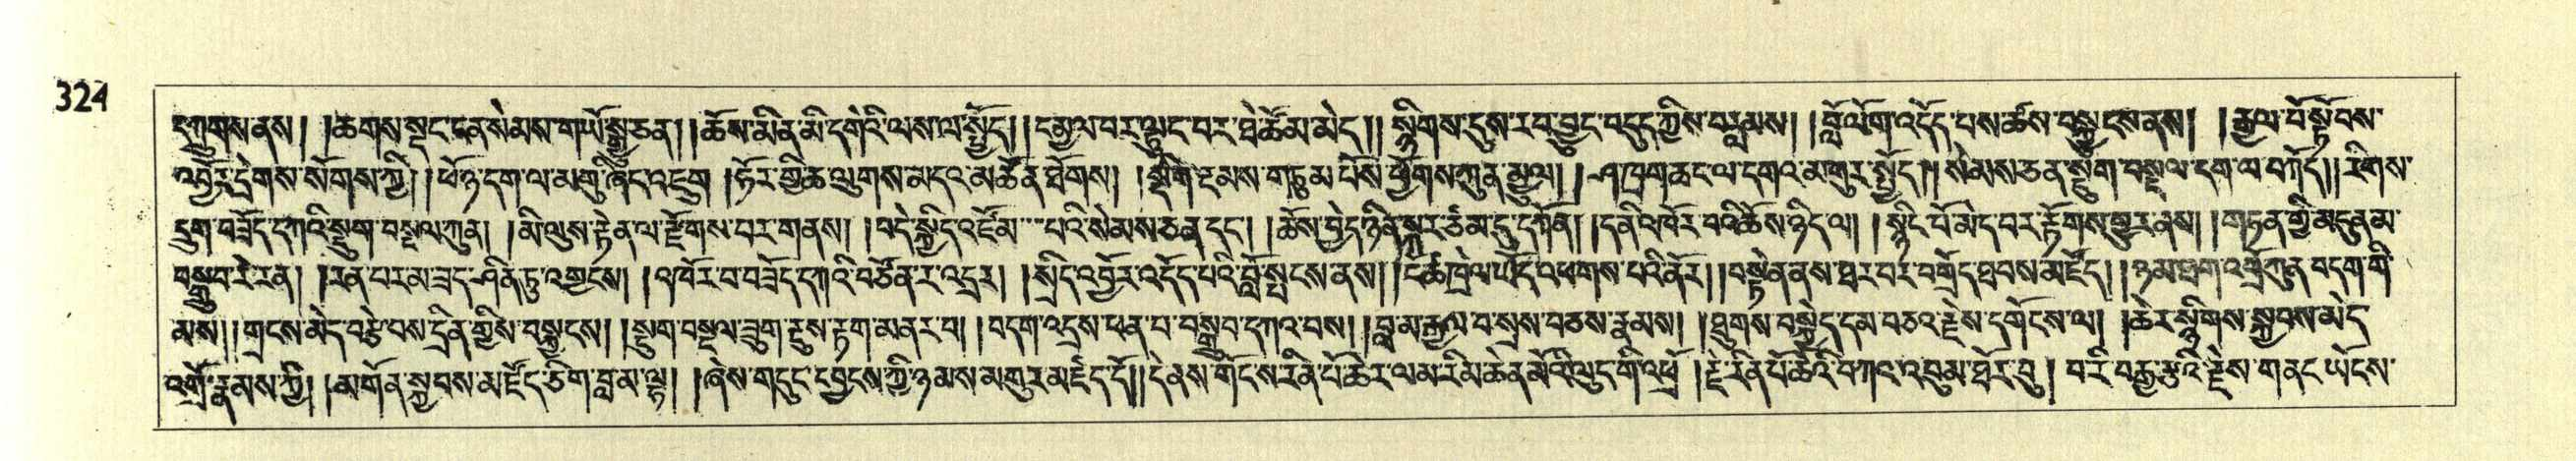དཀྲུགས་ནས། །ཆགས་སྡང་ངན་སེམས་གཡོ་སྒྱུ་ཅན། །ཆོས་མིན་མི་དགེའི་ལས་ལ་སྤྱོད། །དམྱལ་བར་ལྟུང་བར་ཐེ་ཚོམ་མེད། །སྙིགས་དུས་རབ་བྱུང་བདུད་ཀྱིས་བརླམས། །བློ་ལོག་འདོད་པས་ཚས་བསྐྱུངས་ནས། །རྒྱལ་པོ་སྟོབས་
འབྱོར་དྲེགས་སོགས་ཀྱི། །ཕོ་ཉ་དག་ལ་མགུ་ཞིང་འཇུག །ཧོར་གྱི་ཆ་ལུགས་མདའ་མཚོན་ཐོགས། །སྡིག་རྔམས་གཏུམ་པོས་ཕྱོགས་ཀུན་མྱུལ། །ཤ་ཁྲག་ཆང་ལ་དགའ་མགུར་སྤྱོད། །སེམས་ཅན་སྡུག་བསྔལ་དག་ལ་བཀོད། །རིགས་
དྲུག་བཟོད་དཀའི་སྡུག་བསྔལ་ཀུན། །མི་ལུས་རྟེན་ལ་རྫོགས་པར་གནས། །བདེ་སྐྱིད་འཛོམ་པའི་སེམས་ཅན་དང་། །ཆོས་བྱེད་ཉིན་སྐར་ཙམ་དུ་དཀོན། །ད་ནི་འཁོར་བའི་ཆོས་ཉིད་ལ། །སྙིང་པོ་མེད་བར་རྟོགས་གྱུར་ནས། །གཏན་གྱི་མདུན་མ་
བསྒྲུབ་རེ་རན། །རན་པར་མ་ཟད་ཤིན་ཏུ་འགྱངས། །འཁོར་བ་བཟོད་དཀའི་བཙོན་ར་འདྲར། །སྲིད་འབྱོར་འདོད་པའི་བློ་སྤངས་ནས། །ངོ་ཚ་ཁྲེལ་ཡོད་འཕགས་པའི་ནོར། །བསྟེན་ནས་ཐར་བར་བགྲོད་ཐབས་མཛོད། །ཉམ་ཐག་འགྲོ་ཀུན་བདག་གི་
མས། །གྲངས་མེད་བརྩེ་བས་དྲིན་གྱིས་བསྐྱངས། །སྡུག་བསྔལ་ཟུག་རྔུས་རྟག་མནར་པ། །བདག་འདྲས་ཕན་པ་བསྒྲུབ་དཀའ་བས། །བླ་མ་རྒྱལ་བ་སྲས་བཅས་རྣམས། །ཐུགས་བསྐྱེད་དམ་བཅའ་རྗེས་དགོངས་ལ། །ཆེར་སྙིགས་སྐྱབས་མེད་
འགྲོ་རྣམས་ཀྱི། །མགོན་སྐྱབས་མཛོད་ཅིག་བླ་མ་ལྷ། །ཞེས་གདུང་དབྱངས་ཀྱི་ཉམས་མགུར་མཛད་དོ། །དེ་ནས་གོང་ས་རིན་པོ་ཆེར་ལམ་རིམ་ཆེན་མོའི་ལུང་གི་འཕྲོ། །རྗེ་རིན་པོ་ཆེའི་བཀའ་འབུམ་ཐོར་བུ། བ་རི་བརྒྱ་རྩའི་རྗེས་གནང་ཡོངས་